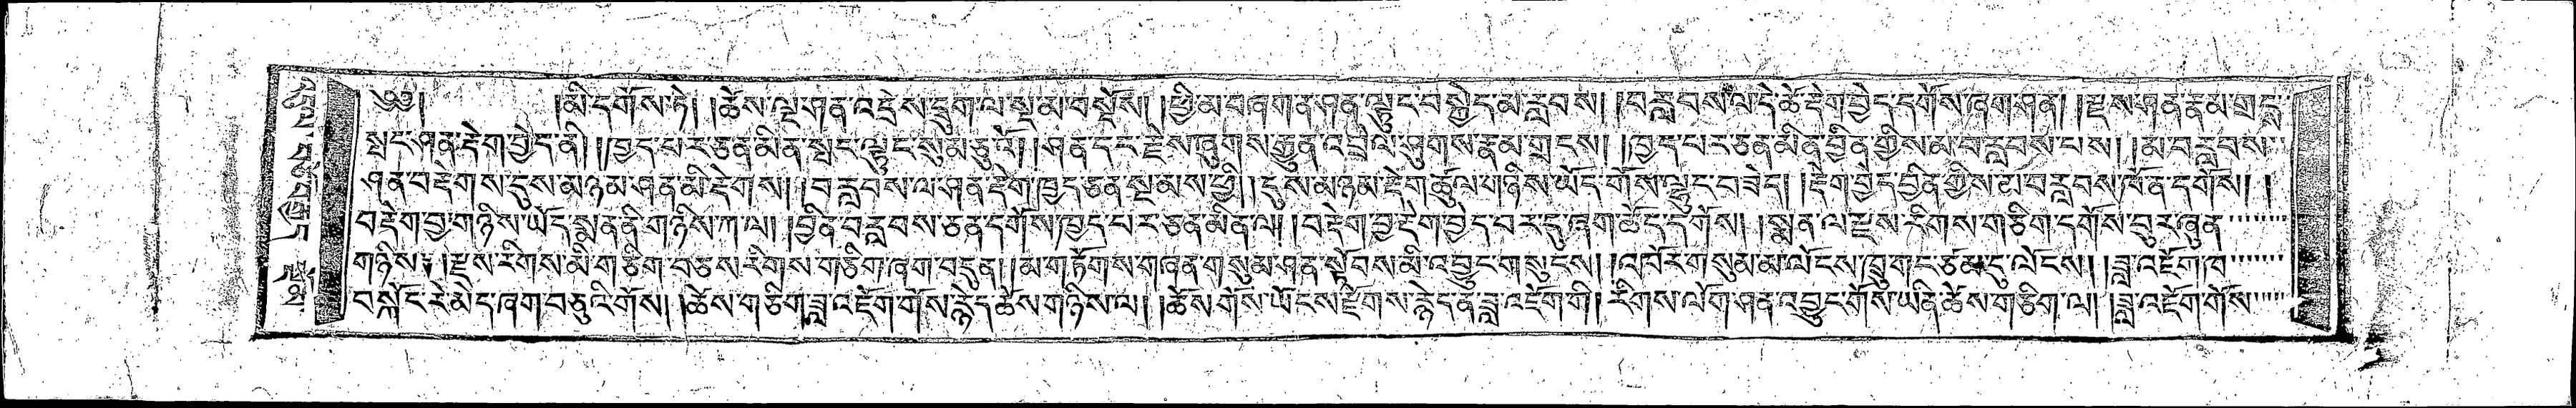༄༅། །མི་དགོས་ཏེ། །ཚེས་ལྔ་ཤན་འདྲེས་དྲུག་ལ་སྔ་མ་བསྔོས། །ཕྱི་མ་བཞག་ན་ཤན་ལྟུང་བསྐྱེད་མ་རླབས། །བརླབས་ལ་ཤན་རྡེག་བྱེད་དགོས་ཞིག་གི་ནི། །རྫས་ཤན་རྣམ་གྲངས་
སྤང་ཤན་རྡེག་བྱེད་ནི། །ཁྱད་པར་ཅན་མིན་སྤང་ལྟུང་སུམ་ཅུ་འོ། །ཤན་དང་རྗེས་ཞུགས་རྒྱུན་འབྲེལ་ཤུགས་རྣམ་གྲངས། །ཁྱད་པར་ཅན་མིན་བྱིན་གྱིས་མ་བརླབས་པས། །མ་བརླབས་
ཤན་བརྡེགས་དུས་མཉམ་ཤན་མི་རྡེགས། །བརླབས་ལ་ཤན་རྡེག་ཁྱད་ཅན་སྔ་མས་ཕྱི། །དུས་མཉམ་རྡེག་ཚུལ་གཉིས་ཡོད་གོས་ལྷུང་བཟེད། །རྡེག་བྱེད་བྱིན་གྱིས་མ་བརླབས་ཁོ་ན་དགོས། །
བརྡེག་བྱ་གཉིས་ཡོད་སྨན་ནི་གཉིས་ཀ་ལ། །བྱིན་བརླབས་ཅན་དགོས་ཁྱད་པར་ཅན་མིན་ལ། །བརྡེག་བྱ་རྡེག་བྱེད་བར་དུ་ཞག་ཆོད་དགོས། །སྨན་ལ་རྫས་རིགས་གཅིག་དགོས་བུར་ཞུན་
གཉིས༑ །རྫས་རིགས་མི་གཅིག་བཅས་རིགས་གཅིག་ཞག་བདུན། །མ་གཏོགས་གཞན་གསུམ་ཤན་སྟོབས་མི་འབྱུང་གསུངས། །འཁོར་གསུམ་མ་ལོངས་ཁྲུ་གང་ཙམ་དུ་ལོངས། །ཟླ་འཇོག་ཁ་
བསྐོང་རེ་མེད་ཞག་བཅུའི་གོས། །ཚེས་གཅིག་ཟླ་འཇོག་གོས་རྙེད་ཚེས་གཉིས་ལ། །ཆོས་གོས་ཡོངས་རྫོགས་རྙེད་ན་ཟླ་འཇོག་གི །རིགས་ལོག་ཤན་འབྱུང་གོས་ཡིན་ཚེས་གཅིག་ལ། །ཟླ་འཇོག་དགོས་